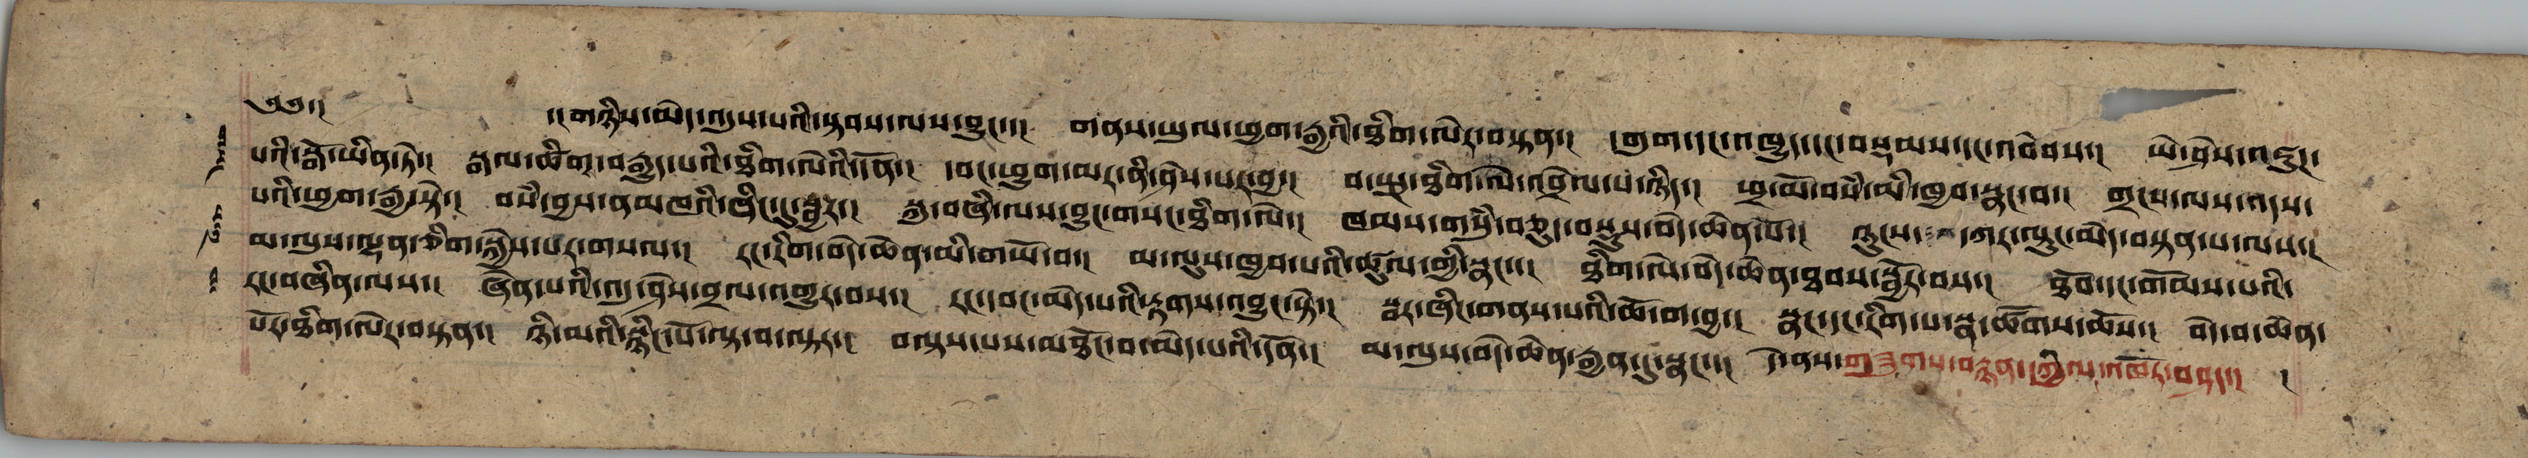༄༅་། ་།གཉིས་མེད་འདུས་པའི་སྟབས་ལས་བྱུང་་། གནས་ཡུལ་ཕྱག་རྒྱའི་ཐིག་ལེར་བསྟན་། དགུག་དང་འཁྱུད་དང་བསྡམས་དང་འབེབས་། ཡེ་ཤེས་འཇུཌ་
པའི་སྒོ་ཡིན་ཏེ་། སྒལ་ཚིག་བརྒྱུད་པའི་ཐིག་ལེའི་དོན་། དབང་ཕྱུག་མར་ནི་ཤེས་པར་བྱ་། བ་སྤུ་ཐིག་ལེ་འབྲེལ་པ་ཉིད་། ཕྲ་མོ་བསཾ་མི་ཁྱབ་སྣང་བ་། གྲངས་ལས་འདས་
པའི་ཕྱག་རྒྱ་སྟེ་། བསཾ་བྱས་ནམཁའི་ཞིང་དུ་སྦྱར་། སྐུ་བཞི་ལས་བྱུང་གསང་ཐིག་ལེ་། ཁམས་གསུཾ་བཅུད་བསྡུས་བདེ་ཆེན་པོ་། ཉུངས་ དཀར་ལྟུང་མེད་བསྟན་པ་ལས་།
མ་ལུས་ལྷན་ཅིག་སྐྱེས་པར་གསལ་། རང་རིག་བདེ་ཆེན་མི་གཡོ་བ་། མ་ལུས་ཁྱབ་པའི་ཚུལ་གྱི་སྣང་་། ཐིག་ལེ་བདེ་ཆེན་ཐབས་སྦྱོར་བས་། ཐོབ་དང་གོམས་པའི་
རང་བཞིན་ལས་། ཞེན་པའི་འདུ་ཤེས་བྲལ་འགྱུར་བས་། རང་དབང་མེད་པའི་རྟགས་འབྱུང་སྟེ་། སྦར་ཞིང་གནས་པའི་ཆོ་ག་བྱ་། སྣང་དང་རིག་པ་སྣ་ཚོགས་ཆོས་། བདེ་བ་ཆེན་
པོར་ཐིག་ལེར་བསྟན་། ཉི་མའི་སྙིང་པོ་ལྟ་བ་ལྟར་། བལྟས་པས་མཐོང་བ་མེད་པའི་དོན་། མ་ལུས་བདེ་ཆེན་རྒྱན་དུ་སྣང་་། དེ་ནས་གཟུགས་བརྙན་དཀྱིལ་འཁོར་བཤད་། །